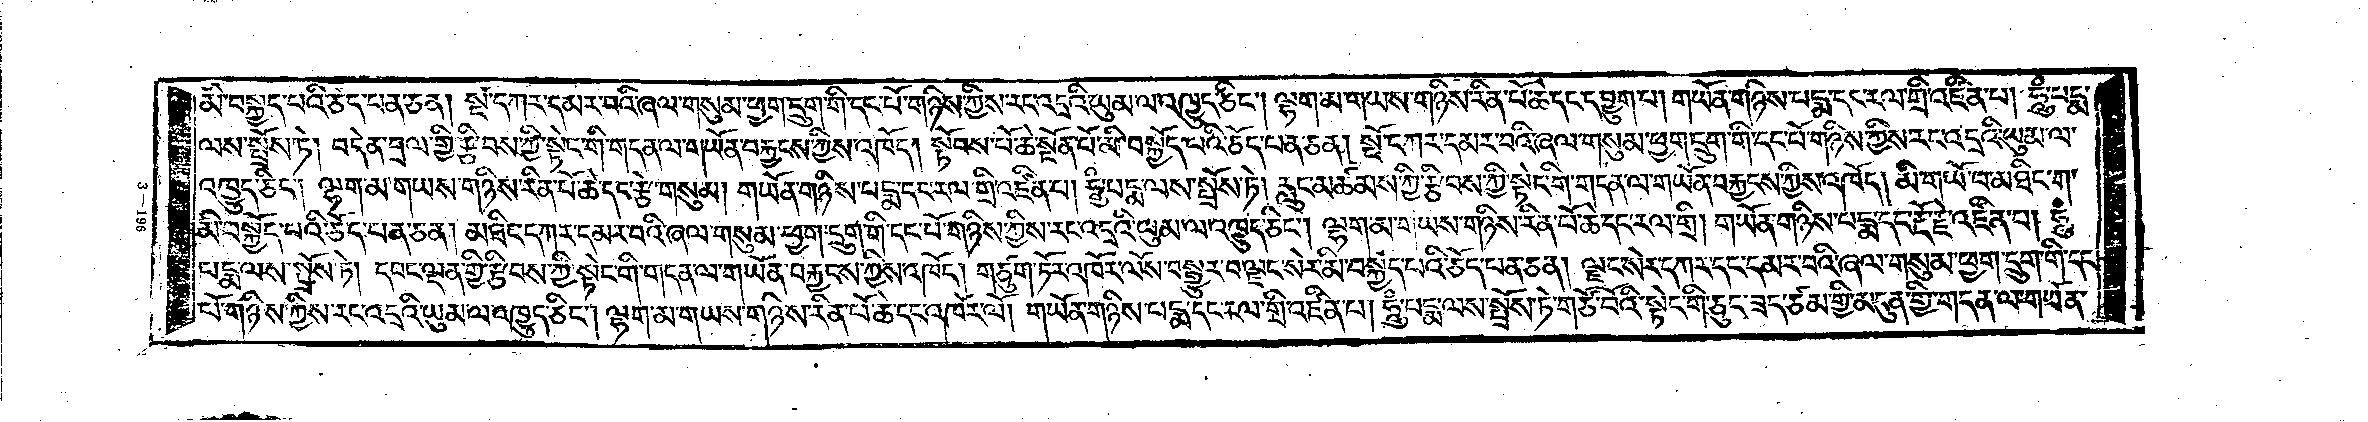མི་བསྐྱེད་པའི་ཅོད་པན་ཅན། སྔོ་དཀར་དམར་བའི་ཞལ་གསུམ་ཕྱག་དྲུག་གི་དང་པོ་གཉིས་ཀྱིས་རང་འདྲའི་ཡུམ་ལ་འཁྱུད་ཅིང་། ལྷག་མ་གཡས་གཉིས་རིན་པོ་ཆེ་དང་དབྱུག་པ། གཡོན་གཉིས་པདམ་དང་རལ་གྲི་འཛིན་པ། ཧཱུཾ་པདམ་
ལས་སྤྲོས་ཏེ། བདེན་བྲལ་གྱི་རྩིབས་ཀྱི་སྟེང་གི་གདན་ལ་གཡོན་བརྐྱངས་ཀྱིས་འཁོད། སྟོབས་པོ་ཆེ་སྔོན་པོ་མི་བསྐྱོད་པའི་ཅོད་པན་ཅན། སྔོ་དཀར་དམར་བའི་ཞལ་གསུམ་ཕྱག་དྲུག་གི་དང་པོ་གཉིས་ཀྱིས་རང་འདྲའི་ཡུམ་ལ་
འཁྱུད་ཅིང་། ལྷག་མ་གཡས་གཉིས་རིན་པོ་ཆེ་དང་རྩེ་གསུམ། གཡོན་གཉིས་པདམ་དང་རལ་གྲི་འཛིན་པ། ཧཱུཾ་པདམ་ལས་སྤྲོས་ཏེ། རླུང་མཚམས་ཀྱིས་རྩིབས་ཀྱི་སྟེང་གི་གདན་ལ་གཡོན་བརྐྱངས་ཀྱིས་འཁོད། མི་གཡོ་བ་མཐིང་ག་
མི་བསྐྱོད་པའི་ཅོད་པན་ཅན། མཐིང་དཀར་དམར་བའི་ཞལ་གསུམ་ཕྱག་དྲུག་གི་དང་པོ་གཉིས་ཀྱིས་རང་འདྲའི་ཡུམ་ལ་འཁྱུད་ཅིང་། ལྷག་མ་གཡས་གཉིས་རིན་པོ་ཆེ་དང་རལ་གྲི། གཡོན་གཉིས་པདམ་དང་རྡོ་རྗེ་འཛིན་པ། ཧཱུཾ་
པདམ་ལས་སྤྲོས་ཏེ། དབང་ལྡན་གྱི་རྩིབས་ཀྱི་སྟེང་གི་གདན་ལ་གཡོན་བརྐྱངས་ཀྱིས་འཁོད། གཙུག་ཏོར་འཁོད་ལོས་བསྒྱུར་བ་ལྗང་སེར་མི་བསྐྱེད་པའི་ཅོད་པན་ཅན། ལྗང་སེར་དཀར་དང་དམར་བའི་ཞལ་གསུམ་ཕྱག་དྲུག་གི་དང་
པོ་གཉིས་ཀྱིས་རང་འདྲའི་ཡུ།མ་ལ་འཁྱུད་ཅིང་། ལྷག་མ་གཡས་གཉིས་རིན་པོ་ཆེ་དང་འཁོར་ལོ། གཡོན་གཉིས་པདམ་དང་རལ་གྲི་འཛིན་པ། ཧཱུཾ་པདམ་ལས་སྤྲོས་ཏེ་གཙོ་བོའི་སྟེང་གི་ཅུང་ཟད་ཙམ་གྱི་མདུན་གྱི་གདན་ལ་གཡོན་